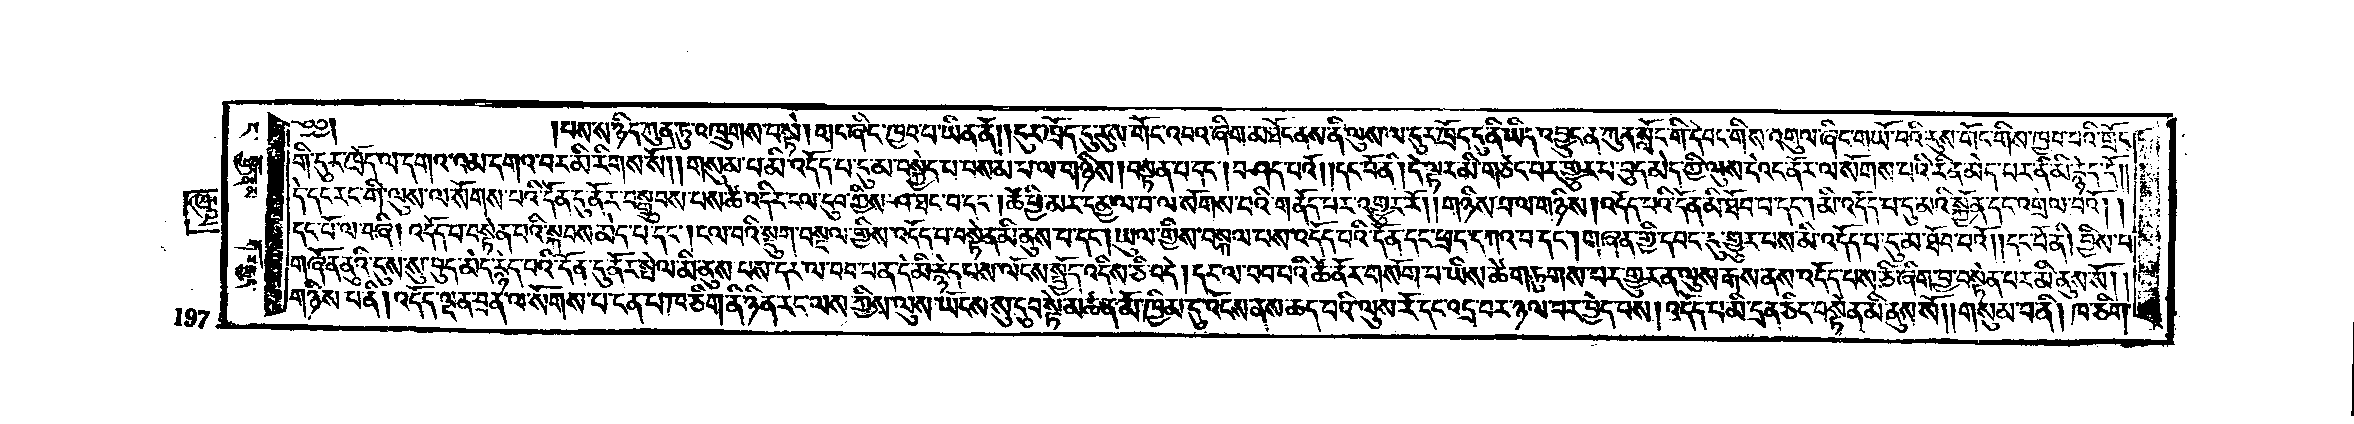༄༅། །པས་ས་ཉིད་ཀུན་ཏུ་འཁྲུགས་པ་སྟེ། གང་ཞིང་ཁྱབ་པ་ཡིན་ནོ། །དུར་ཁྲོད་དུ་རུས་གོང་འབའ་ཞིག་མཐོང་ནས་ནི་ལུས་ལ་དུར་ཁྲོད་དུ་ནི་ཡིད་འབྱུང་ན་ཀུན་སློང་གི་དབང་གིས་འགུལ་ཞིང་གཡོ་བའི་རུས་གོང་གིས་ཁྱབ་པའི་གྲོང་
གི་དུར་ཁྲོད་ལ་དགའ་བ་འམ་དགའ་བར་མི་རིགས་སོ། །གསུམ་པ་མི་འདོད་པ་དུ་མ་བསྐྱེད་པ་བསམ་པ་ལ་གཉིས། བསྟན་པ་དང་། བཤད་པའོ། །དང་པོ་ནི། དེ་ལྟར་མི་གཙོང་བར་གྱུར་པ་བུད་མེད་ཀྱི་ལུས་དེའང་ནོར་ལ་སོགས་པའི་རིན་མེད་པར་ནི་མི་རྙེད་དོ། །
དེ་དང་རང་གི་ལུས་ལ་སོགས་པའི་དོན་དུ་ནོར་བསྒྲུབས་པས་ཚེ་འདིར་ངལ་དུབ་ཀྱིས་ཤ་ཐང་བ་དང་། ཚེ་ཕྱི་མར་དམྱལ་བ་ལ་སོགས་པའི་གནོད་པར་འགྱུར་རོ། །གཉིས་པ་ལ་གཉིས། འདོད་པའི་དོན་མི་ཐོབ་པ་དང་། མི་འདོད་པ་དུ་མའི་སྐྱོན་དང་འགྲེལ་པའོ། །
དང་པོ་ལ་བཞི། འདོད་པ་བསྟེན་པའི་སྐབས་མེད་པ་དང་། ངལ་བའི་སྡུག་བསྔལ་གྱིས་འདོད་པ་བསྟེན་མི་ནུས་པ་དང་། ཡུལ་གྱིས་བསྐལ་པས་འདོད་པའི་དོན་དང་ཕྲད་དཀའ་བ་དང་། གཞན་གྱི་དབང་དུ་གྱུར་པས་མི་འདོད་པ་དུ་མ་ཐོབ་པའོ། །དང་པོ་ནི། བྱིས་པ་
གཞོན་ནུའི་དུས་སུ་བུད་མེད་རྙེད་པའི་དོན་དུ་ནོར་སྤེལ་མི་ནུས་པས་དར་ལ་བབ་པ་ན་དེ་མི་རྙེད་པས་ལོངས་སྤྱོད་འདིས་ཅི་བདེ། དར་ལ་བབ་པའི་ཚེ་ནོར་གསོག་པ་ཡིས་ཚེ་གཏུགས་པར་གྱུར་ན་ལུས་རྒས་ནས་འདོད་པས་ཅི་ཞིག་བྱ་བསྟེན་པར་མི་ནུས་སོ། །
གཉིས་པ་ནི། འདོད་ལྡན་བྲན་ལ་སོགས་པ་ངན་པ་ཁ་ཅིག་ནི་ཉིན་རང་ལས་ཀྱིས་ལུས་ཡོངས་སུ་དུབ་སྟེ་མཚན་མོ་ཁྱིམ་དུ་འོངས་ནས་ཆད་པའི་ལུས་རོ་དང་འདྲ་བར་ཉལ་བར་བྱེད་པས། འདོད་པ་མི་དྲན་ཅིང་བསྟེན་མི་ནུས་སོ། །གསུམ་པ་ནི། ཁ་ཅིག་